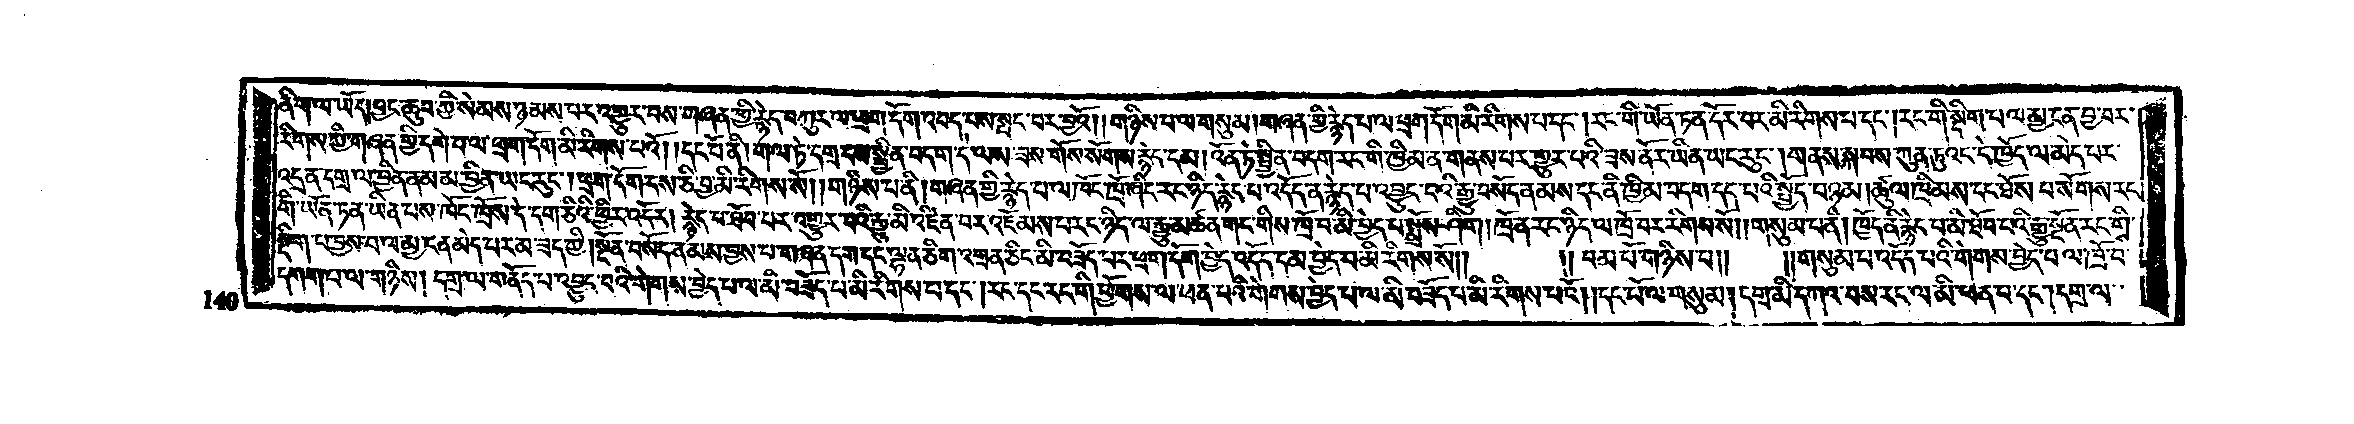ནི་ག་ལ་ཡོད། བྱང་ཆུབ་ཀྱི་སེམས་ཉམས་པར་འགྱུར་བས་གཞན་གྱི་རྙེད་བཀུར་ལ་ཕྲག་དོག་འབད་པས་སྤང་བར་བྱའོ། །གཉིས་པ་ལ་གསུམ། གཞན་གྱི་རྙེད་པ་ལ་ཕྲག་དོག་མི་རིགས་པ་དང་། རང་གི་ཡོན་ཏན་དོར་བར་མི་རིགས་པ་དང་། རང་གི་སྡིག་པ་ལ་མྱ་ངན་བྱ་བར་
རིགས་ཀྱི་གཞན་གྱི་དགེ་བ་ལ་ཕྲག་དོག་མི་རིགས་པའོ། །དང་པོ་ནི། གལ་ཏེ་དགྲ་དག?་སྦྱིན་བདག་དེ་ལས་ཟས་གསོ་སོགས་རྙེད་དམ། འོན་ཏེ་སྦྱིན་བདག་རང་གི་ཁྱིམ་ན་གནས་པར་གྱུར་པའི་ཟས་ནོར་ཡིན་ཡང་རུང་། གནས་སྐབས་ཀུན་ཏུའང་དེ་ཁྱོད་ལ་མེད་པར་
འདྲན་དགྲ་ལ་བྱིན་ནས་མ་བྱིན་ཡང་རུང་། ཕྲག་དོག་རས་ཅི་བྱ་མི་རིགས་སོ། །གཉིས་པ་ནི། གཞན་གྱི་རྙེད་པ་ལ་ཁོང་ཁྲོ་ཞིང་རང་ཉིད་རྙེད་པ་འདོད་ན་རྙེད་པ་འབྱུང་བའི་རྒྱུ་བསོད་ནམས་དང་ནི་ཁྱིམ་བདག་དད་པའི་སྤྱོད་པ་ཉམ། ཚུལ་ཁྲིམས་དང་ཐོས་པ་སོགས་རང་
གི་ཡོན་ཏན་ཡིན་པས་ཁོང་ཁྲོས་དེ་དག་ཅིའི་ཕྱིར་འདོར། རྙེད་པ་ཐོབ་པར་འགྱུར་བའི་རྒྱུ་མི་འཛིན་པར་འཇོམས་པ་རང་ཉིད་ལ་རྒྱུ་མཚན་གང་གིས་ཁྲོ་བ་མི་བྱེད་པ་སྨྲོས་ཤིག །ཁྲོ་ན་རང་ཉིད་ལ་ཁྲོ་བར་རིགས་སོ། །གསུམ་པ་ནི། ཁྱོད་ནི་རྙེད་པ་མི་ཐོབ་པའི་རྒྱུ་སྔོན་རང་གི་
སྡིག་པ་བྱས་པ་ལ་མྱ་ངན་མེད་པར་མ་ཟད་ཀྱི། སྔོན་བསོད་ནམས་བྱས་པ་གཞན་དག་དང་ལྷན་ཅིག་འགྲན་ཅིང་མི་བཟོད་པར་ཕྲག་དོག་བྱེད་འདོད་དམ་བྱེད་པ་མི་རིགས་སོ།། །།བམ་པོ་གཉིས་པ།། །།གསུམ་པ་འདོད་པའི་གེགས་བྱེད་པ་ལ་ཁྲོ་བ་
དགག་པ་ལ་གཉིས། དགྲ་ལ་གནོད་པ་འབྱུང་བའི་གེགས་བྱེད་པ་ལ་མི་བཟོད་པ་མི་རིགས་པ་དང་། རང་དང་རང་གི་ཕྱོགས་ལ་ཕན་པའི་གེགས་བྱེད་པ་ལ་མི་བཟོད་པ་མི་རིགས་པའོ། །དང་པོ་ལ་གསུམ། དགྲ་མི་དགའ་བས་རང་ལ་མི་ཕན་པ་དང་། དགྲ་ལ་